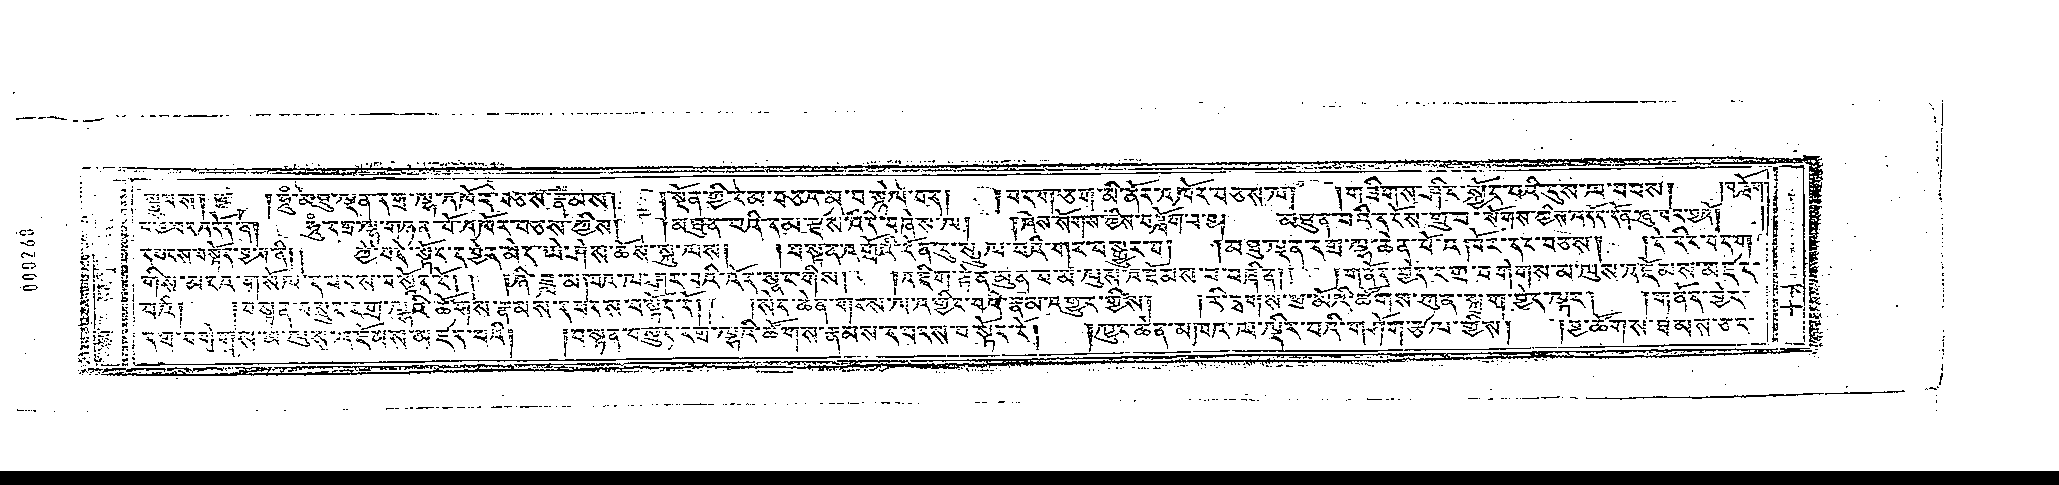སྒྲུབས། །ཧཱུཾ་མཐུ་ལྡན་དགྲ་ལྷ་འཁོར་བཅས་རྣམས། །སྔོན་གྱི་དམ་བཅའ་མ་བསྙེལ་བར། །བདག་ཅག་མི་ནོར་འཁོར་བཅས་ལ། །གཟིགས་ཤིང་སྐྱོང་བའི་དུས་ལ་བབས། །བཟློབ་
པ་བྱ་བར་འདོར་ན། ཧཱུཾ་དགྲ་ལྷ་གཉན་པོ་འཁོར་བཅས་ཀྱིས། །མཐུན་པའི་དམ་རྫས་འདི་བཞེས་ལ། །ཞེས་སོགས་ཀྱིས་བཟློག་པ་བྱ། མཐུན་པའི་དངོས་གྲུབ་བ་སོགས་ཀྱིས་འདོད་དོན་ཞུ་བར་བྱའོ། །
དཔངས་བསྟོད་བྱ་བ་ནི་ཀྱཻ་བདེ་སྟོང་དབྱེར་མེད་ཡེ་ཤེས་ཆོས་སྐུ་ལས། །བསྟན་འགྲོའི་དོན་དུ་སྤྲུལ་པའི་གར་བསྒྱུར་བ། །མཐུ་ལྡན་དགྲ་ལྷ་ཆེན་པོ་འཁོར་དང་བཅས། །དེ་རིང་བདག་
གིས་མངའ་གསོལ་དཔངས་བསྟོད་དོ། །ཉི་ཟླ་མཁའ་ལ་ཤར་བའི་འོད་སྣང་གིས། །འཇིག་རྟེན་མུན་པ་མ་ལུས་འཇོམས་པ་བཞིན། །གནོད་བྱེད་དགྲ་བགེགས་མ་ལུས་འཇོམས་མཛད་
པའི། །བསྟན་བསྲུང་དགྲ་ལྷའི་ཚོགས་རྣམས་དཔངས་བསྟོད་དོ། །སེང་ཆེན་གངས་ལ་འགྱིད་བའི་རྣམ་འགྱུར་གྱིས། །རི་དྭགས་ཕྲ་མོའི་ཚོགས་ཀུན་སྐྲག་བྱེད་ལྟར། །གནོད་བྱེད་
དགྲ་བགེགས་མ་ལུས་འཇོམས་མཛད་པའི། །བསྟན་བསྲུང་དགྲ་ལྷའི་ཚོགས་རྣམས་དཔངས་བསྟོད་དོ། །ཁྱུད་ཆེན་མཁའ་ལ་ལྡིང་པའི་གཤོག་རྩལ་གྱིས། །བྱ་ཚོགས་ཐམས་ཅད་